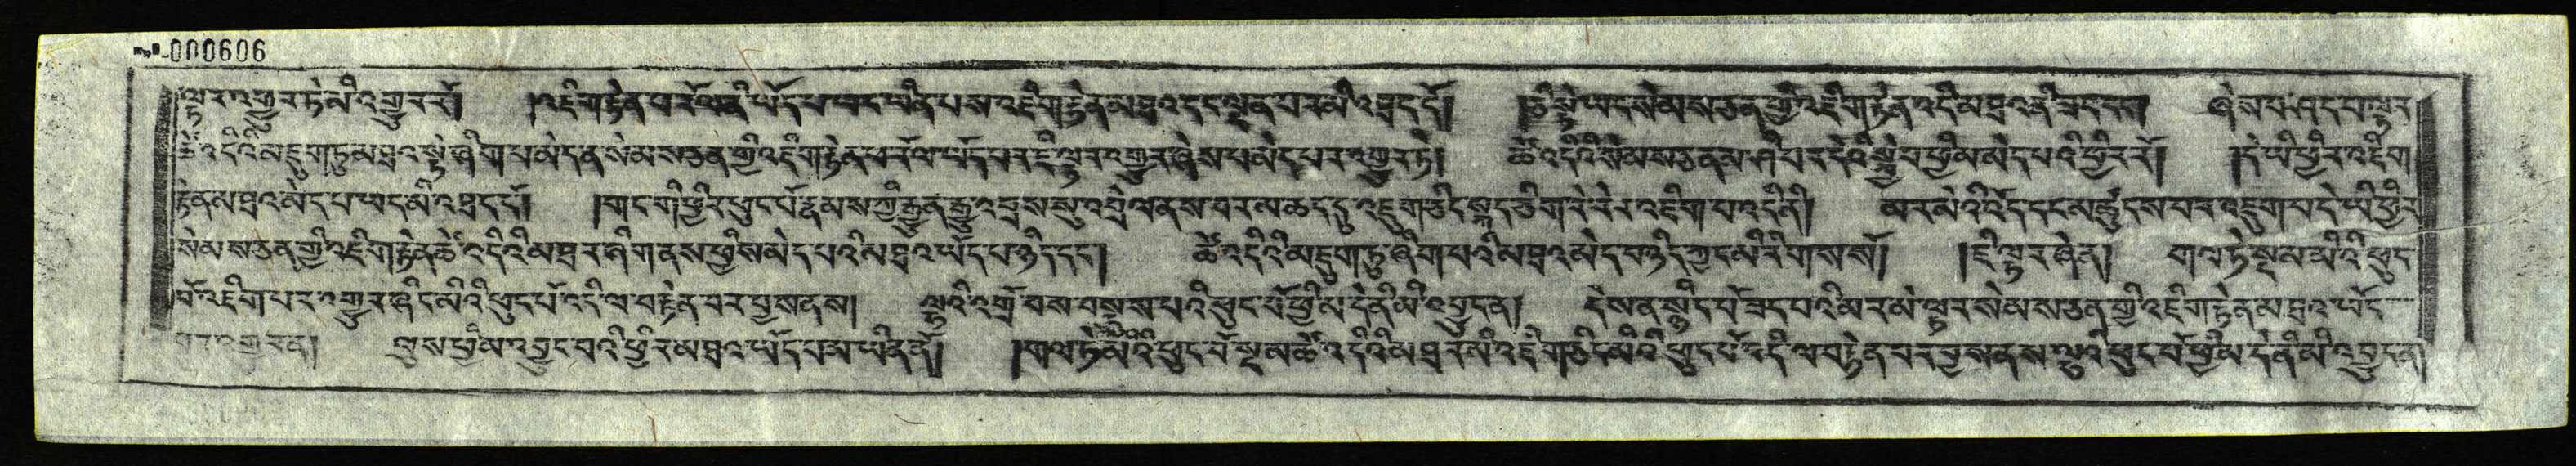ལྟར་འགྱུར་ཏེ་མི་འགྱུར་རོ། །འཇིག་རྟེན་ཕ་རོལ་ནི་ཡོད་པ་ཡང་ཡིན་པས་འཇིག་རྟེན་མཐའ་དང་ལྡན་པར་མི་འཐད་དོ། །ཅི་སྟེ་ཡང་སེམས་ཅན་གྱི་འཇིག་རྟེན་འདི་མཐའ་ནི་ཟད་དང་། ཞེས་བཤད་པ་ལྟར་
ཚེ་འདིའི་མཇུག་ཏུ་མཐའ་སྟེ་ཞིག་པ་མེད་ན་སེམས་ཅན་གྱི་འཇིག་རྟེན་ཕ་རོལ་ཡོད་པར་ཇི་ལྟར་འགྱུར་ཞེས་པ་མེད་པར་འགྱུར་ཏེ། ཚེ་འདིའི་སེམས་ཅན་མ་ཤི་པར་དེའི་སྐྱེ་བ་ཕྱི་མ་མེད་པའི་ཕྱིར་རོ། །དེ་ཡི་ཕྱིར་འཇིག་
རྟེན་མཐའ་མེད་པ་ཡང་མི་འཐད་དོ། །གང་གི་ཕྱིར་ཕུང་པོ་རྣམས་ཀྱི་རྒྱུན་རྒྱུ་འབྲས་སུ་འབྲེལ་ནས་བར་མ་ཆད་དུ་འཇུག་ཅིང་སྐད་ཅིག་རེ་རེར་འཇིག་པ་འདི་ནི། མར་མེའི་འོད་དང་མཚུངས་པར་འཇུག་པ་དེ་ཡི་ཕྱིར་
སེམས་ཅན་གྱི་འཇིག་རྟེན་ཚེ་འདིའི་མཐར་ཞིག་ནས་ཕྱིས་མེད་པའི་མཐའ་ཡོད་པ་ཉིད་དང་། ཚེ་འདིའི་མཇུག་ཏུ་ཞིག་པའི་མཐའ་མེད་པ་ཉིད་ཀྱང་མི་རིགས་སོ། །ཇི་ལྟར་ཞེ་ན། གལ་ཏེ་སྔ་མ་མིའི་ཕུང་
པོ་འཇིག་པར་འགྱུར་ཞིང་མིའི་ཕུང་པོ་འདི་ལ་བརྟེན་པར་བྱས་ནས། ལྷའི་འགྲོ་བས་བསྡུས་པའི་ཕུང་པོ་ཕྱི་མ་དེ་ནི་མི་འབྱུང་ན། དེས་ན་སྙིང་པོ་ཟད་པའི་མར་མེ་ལྟར་སེམས་ཅན་གྱི་འཇིག་རྟེན་མཐའ་ཡོད་
པར་འགྱུར་ན། ལུས་ཕྱི་མ་འབྱུང་བའི་ཕྱིར་མཐའ་ཡོད་པ་མ་ཡིན་ནོ། །གལ་ཏེ་མིའི་ཕུང་པོ་སྔ་མ་ཚེ་འདིའི་མཐར་མི་འཇིག་ཅིང་མིའི་ཕུང་པོ་འདི་ལ་བརྟེན་པར་བྱས་ནས་ལྷའི་ཕུང་པོ་ཕྱི་མ་དེ་ནི་མི་འབྱུང་ན་